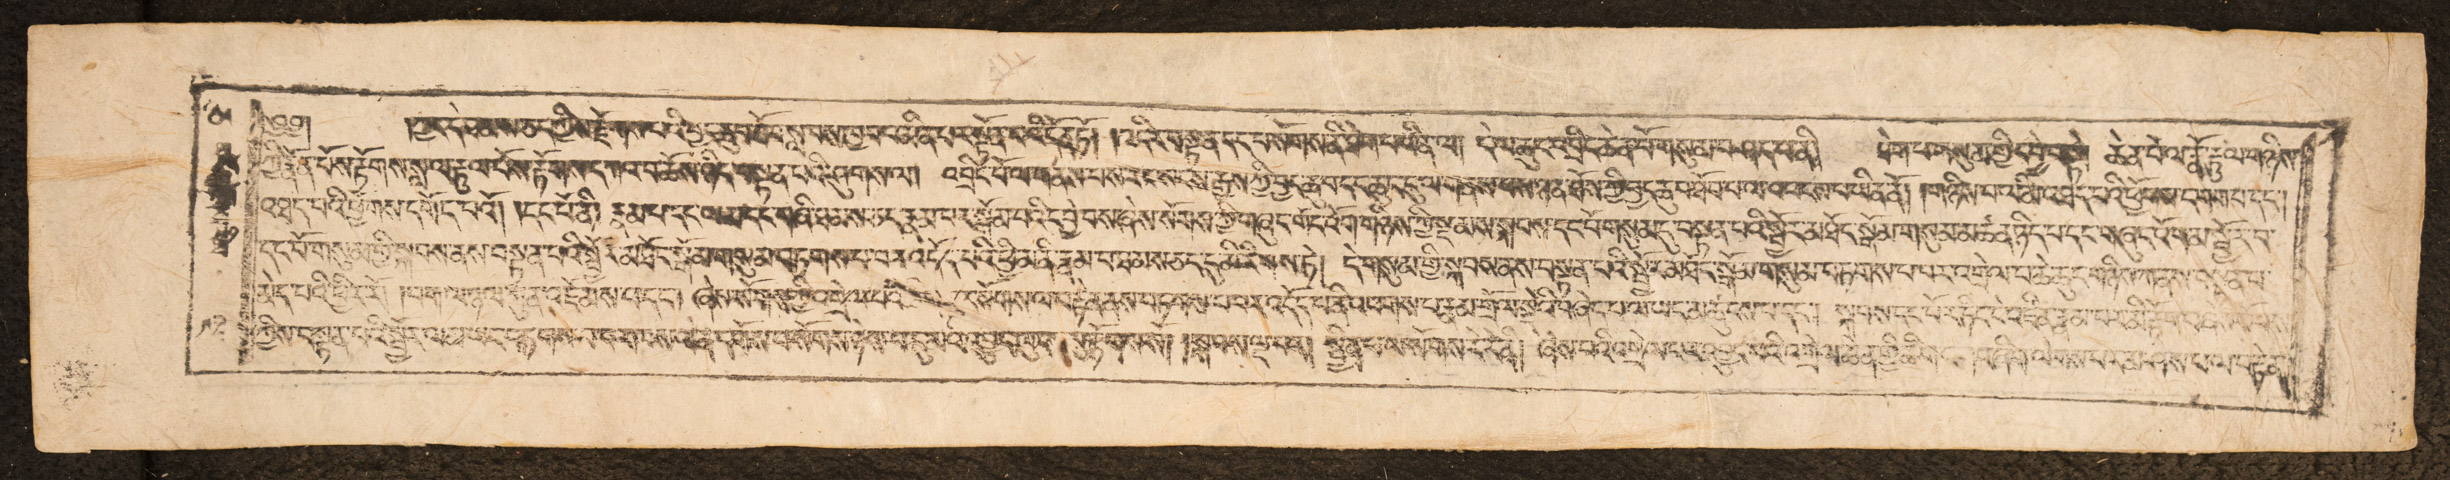༄༅། །ཀྱང་དེ་ཐམས་ཅད་ཀྱིས་རྫོགས་པའི་བྱང་ཆུབ་ཐོབ་སླ་བས་ཁྱབ་པ་མིན་པར་སྟོན་པའི་དོན་ཏོ། །འདིར་བསྟན་དང་པ་སོགས་ནི་ཐེག་པ་ཡིན་ལ། དེ་ལ་ཆུང་འབྲིད་ཆེན་པོ་གསུམ་བཤད་པ་ནི། ཐེག་པ་གསུམ་གྱི་དབྱེ་བ་སྟེ། ཆེན་པོ་ལ་རྣོ་རྟུལ་གཉིས་
ཀྱི་རྣོན་པོས་རྟོགས་སླ་ལ་རྟུལ་པོས་རྟོགས་དཀའ་བ་ཆོས་ཉིད་བསྟན་པའི་ཤུགས་ལ། འབྲིང་པོ་ལ་གནས་པས་རང་སངས་རྒྱས་ཀྱི་བྱང་ཆུབ་དང་ཆུང་ངུ་ལ་གནས་པས་ཉན་ཐོས་ཀྱི་བྱང་ཆུབ་ཐོབ་པ་ལ་འཕངས་པ་ཡིན་ནོ། །གཉིས་པ་ལ་མི་འཐད་པའི་ཕྱོགས་དགག་པ་དང་།
འཐད་པའི་ཕྱོགས་དགོད་པའོ། །དང་པོ་ནི། རྣམ་པ་དང་ལམ་དང་གཞི་ཐམས་ཅད་རྣམ་པར་སྒོམ་པའི་དབྱེ་བས་ཞེས་སོགས་ཀྱི་གཞུང་གོང་འོག་གཉིས་ཀྱི་སྔ་མས་སྐབས་དང་པོ་གསུམ་དུ་བསྟན་པའི་སྦྱོར་མཐོང་སྒོམ་གསུམ་མཚན་ཉིད་པ་དང་གཞུང་འོག་མ་སྦྱོར་པ་
དང་པོ་གསུམ་གྱི་སྐབས་ནས་བསྟན་པའི་སྦྱོར་མཐོང་སྒོམ་གསུམ་བཏགས་པ་བར་འདོད་པའི་ཕྱི་མ་ནི་རྣམ་པ་ཐམས་ཅད་དུ་མི་རིགས་ཏེ། དེ་གསུམ་གྱི་སྐབས་ནས་བསྟན་པའི་སྦྱོར་མཐོང་སྒོམ་གསུམ་བཏགས་པ་བར་འགྲེལ་པ་ཆེ་ཆུང་གཉིས་ཀ་ནས་བསྟན་པ་
མེད་པའི་ཕྱིར་རོ། །བག་ལ་ཉལ་ཀུན་འཇོམས་པ་དང་། ཞེས་སོགས་ཀྱི་འགྲེལ་པའི་ཚིག་ཟུར་སོགས་ལ་བརྟེན་ནས་བཏགས་པ་བར་འདོད་པ་ནི་འཕགས་པ་རྣམ་གྲོལ་སྡེའི་བཞེད་པ་ལ་ཡང་མཚུངས་པ་དང་། སྐབས་དང་པོར་ཏིང་ངེ་འཛིན་རྣམ་པར་མི་རྟོག་བཞེས་སོགས་
ཀྱིས་བསྟན་པའི་སྦྱོར་ལམ་ཡང་བཏགས་པ་བར་ཁས་ལེན་དགོས་པ་སོགས་ཉེས་པ་དུ་མའི་འབྱུང་ཁུངས་སུ་རྟོགས་སོ། །སྐབས་ལྔ་པར། སྦྱིན་པ་ལ་སོགས་རེ་རེ་ནི། ཞེས་པའི་འགྲེལ་པར་འབྱུང་བའི་འགྲེལ་ཆེན་གྱི་ཚིག་འགའ་ཞིག་ལེགས་ཕར་མ་ཤེས་པ་ལ་བརྟེན་